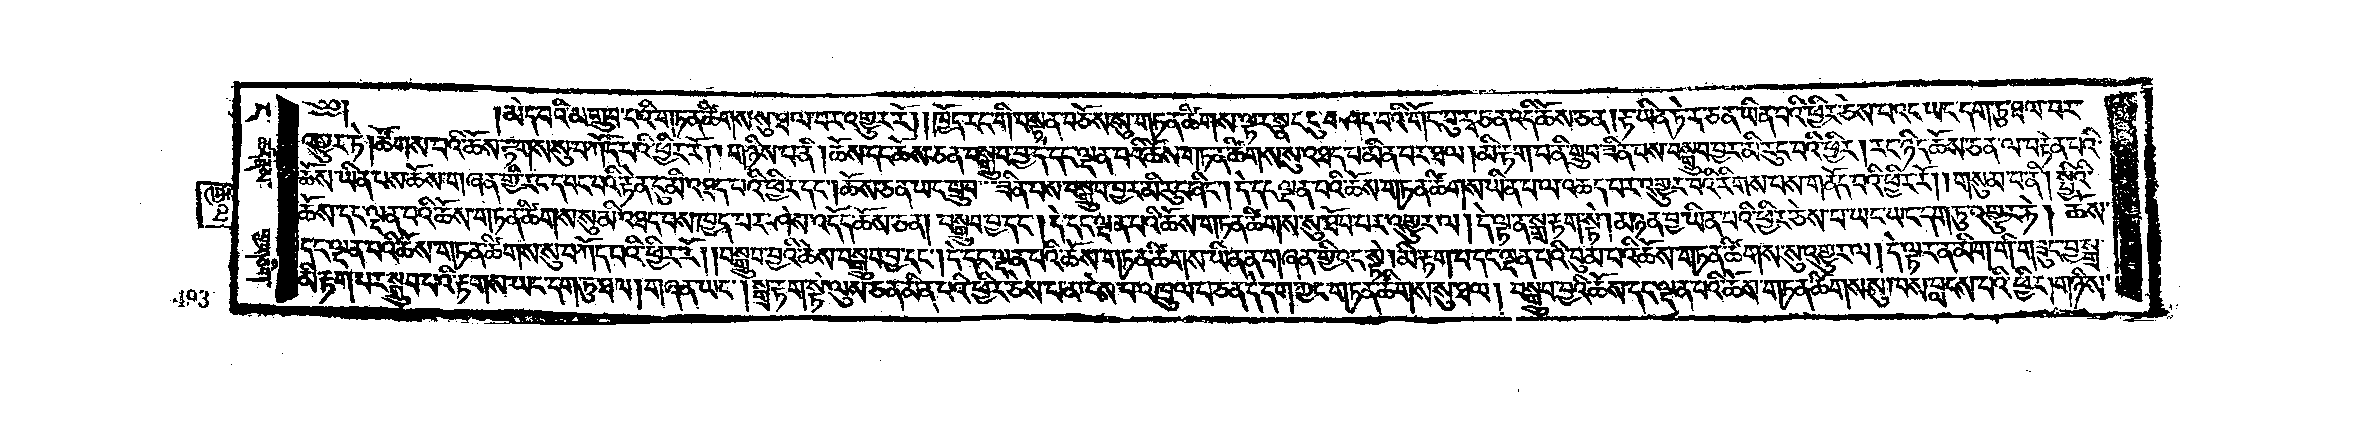༄༅། །མེད་པའི་མ་གྲུབ་པའི་གཏན་ཚིགས་སུ་ཐལ་བར་འགྱུར་རོ། །ཁྱོད་རང་རི་བསྟན་བཅོས་སུ་གཏན་ཚིགས་ལྟར་སྣང་དུ་བཤད་པའི་གོང་བུ་རྭ་ཅན་འདི་ཆོས་ཅན། རྟག་ཡིན་ཏེ་རྭ་ཅན་ཡིན་པའི་ཕྱིར་ཅེས་པའང་ཡང་དག་ཏུ་ཐལ་བར་
འགྱུར་ཏེ། ཚོགས་པའི་ཆོས་རྟགས་སུ་བཀོད་པའི་ཕྱིར་རོ། །གཉིས་པ་ནི། ཆོས་དང་ཆོས་ཅན་བསྒྲུབ་བྱ་དེ་དང་ལྡན་པའི་ཆོས་གཏན་ཚིགས་སུ་འཐད་པ་མིན་པར་ཐལ། མི་རྒ་པ་ནི་གྲུབ་ཟིན་པས་བསྒྲུབ་བྱར་མི་རུང་བའི་ཕྱིར། རང་ཉིད་ཆོས་ཅན་ལ་བརྟེན་པའི་
ཆོས་ཡིན་པས་ཆོས་གཞན་གྱི་རང་དབང་བའི་རྟེན་དུ་མི་འཐད་པའི་ཕྱིར་དང་། ཆོས་ཅན་ཡང་གྲུབ་ཟིན་པས་བསྒྲུབ་བྱར་མི་རུང་ཞིང་། དེ་དང་ལྡན་པའི་ཆོས་གཏན་ཚིགས་ཡིན་པ་ལ་འཆད་པར་འགྱུར་བའི་རིགས་པས་གནོད་པའི་ཕྱིར་རོ། །གསུམ་པ་ནི། སྤྱིའི་
ཆོས་དང་ལྡན་པའི་ཆོས་གཏན་ཚིགས་སུ་མི་འཐད་པས་ཁྱད་པར་ཤེས་འདོད་ཆོས་ཅན། བསྒྲུབ་བྱ་དང་། དེ་དང་ལྡན་པའི་ཆོས་གཏན་ཚིགས་སུ་ཐོབ་པར་འགྱུར་ལ། དེ་ལྟར་ན་སྒྲ་རྟག་སྟེ། མཉན་བྱ་ཡིན་པའི་ཕྱིར་ཅེས་པ་ཡང་ཡང་དག་ཏུ་འགྱུར་ཏེ། ཆོས་
དང་ལྡན་པའི་ཆོས་གཏན་ཚིགས་སུ་བཀོད་པའི་ཕྱིར་རོ། །བསྒྲུབ་བྱའི་ཆོས་བསྒྲུབ་བྱ་དང་། དེ་དང་ལྡན་པའི་ཆོས་གཏན་ཚིགས་ཡིན་ན་གཞན་གྱིའང་སྟེ། མི་རྟག་པ་དང་ལྡན་པའི་བུམ་པའི་ཆོས་གཏན་ཚིགས་སུ་འགྱུར་ལ། དེ་ལྟར་ན་མིག་གི་གཟུང་བྱ་སྒྲ་
མི་རྟག་པར་སྒྲུབ་པའི་རྟགས་ཡང་དག་ཏུ་ཐལ། གཞན་ཡང་། སྒྲ་རྟག་སྟེ་ལུས་ཅན་མིན་པའི་ཕྱིར་ཅེས་པ་མ་ངེས་པ་འཁྲུལ་པ་ཅན་དེ་དག་ཀྱང་གཏན་ཚིགས་སུ་ཐལ། བསྒྲུབ་བྱའི་ཆོས་དང་ལྡན་པའི་ཆོས་གཏན་ཚིགས་སུ་ཁས་བླངས་པའི་ཕྱིར། གཉིས་